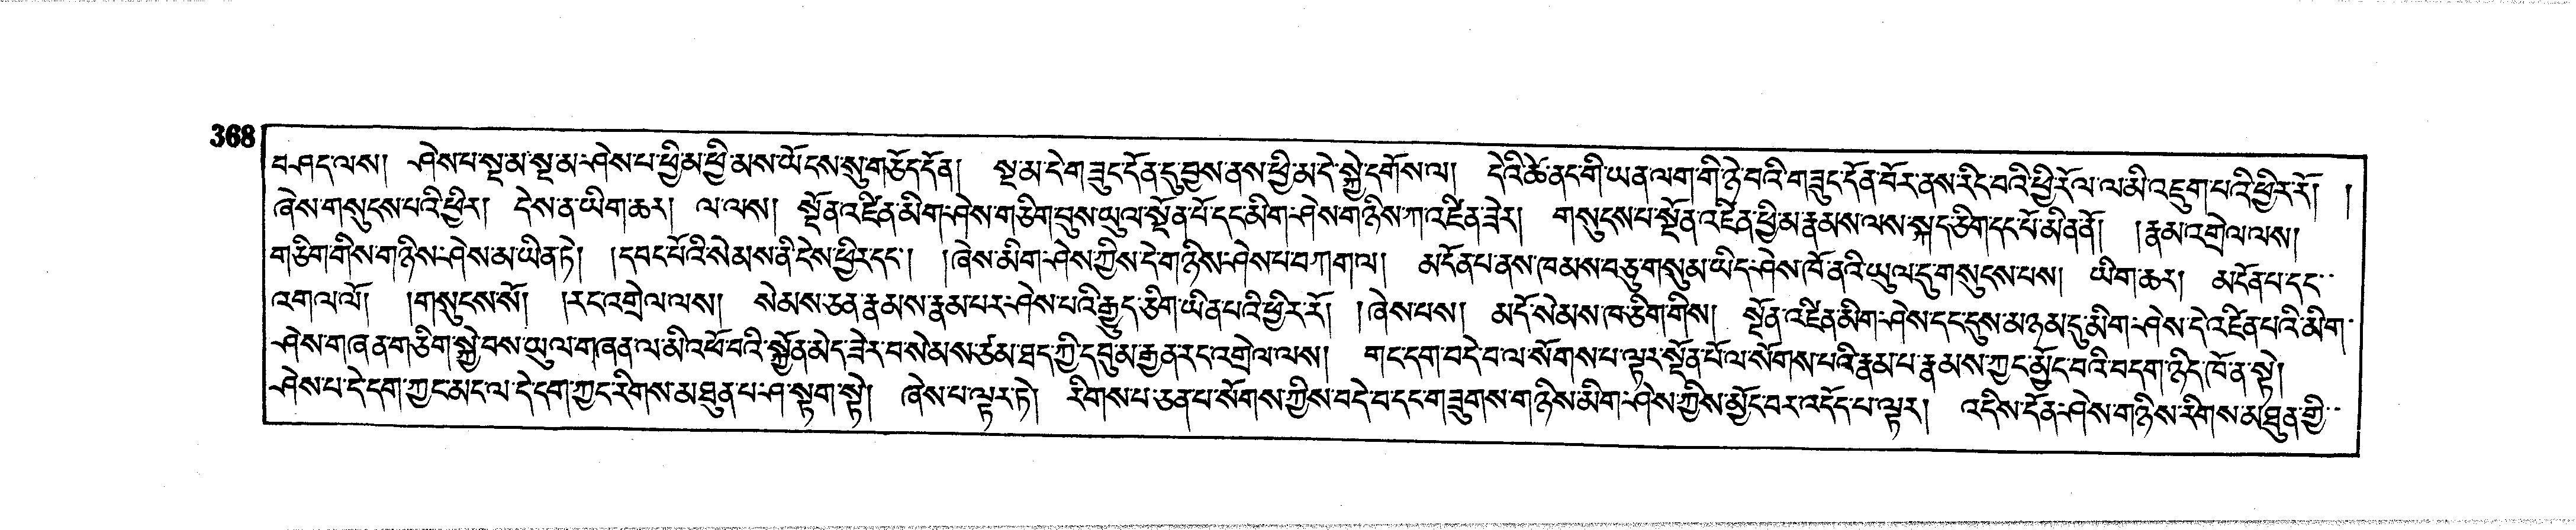བཤད་ལས། ཤེས་པ་སྔ་མ་སྔ་མ་ཤེས་པ་ཕྱི་མ་ཕྱི་མས་ཡོངས་སུ་གཅོད་དོན། སྔ་མ་དེ་གཟུང་དོན་དུ་བྱས་ནས་ཕྱི་མ་དེ་སྐྱེ་དགོས་ལ། དེའི་ཚེ་ནང་གི་ཡན་ལག་གི་ཉེ་བའི་གཟུང་དོན་བོར་ནས་རིང་བའི་ཕྱི་རོལ་ལ་མི་འཇུག་པའི་ཕྱིར་རོ། །
ཞེས་གསུངས་པའི་ཕྱིར། དེས་ན་ཡིག་ཆར། ལ་ལས། སྔོན་འཛིན་མིག་ཤེས་གཅིག་བུས་ཡུལ་སྔོན་པོ་དང་མིག་ཤེས་གཉིས་ཀ་འཛིན་ཟེར། གསུངས་པ་སྔོན་འཛིན་ཕྱི་མ་རྣམས་ལས་སྐད་ཅིག་དང་པོ་མིན་ནོ། །རྣམ་འགྲེལ་ལས།
གཅིག་གིས་གཉིས་ཤེས་མ་ཡིན་ཏེ། །དབང་པོའི་སེམས་ནི་ངེས་ཕྱིར་དང་། །ཞེས་མིག་ཤེས་ཀྱིས་དེ་གཉིས་ཤེས་པ་བཀག་ལ། མངོན་པ་ནས་ཁམས་བཅུ་གསུམ་ཡིད་ཤེས་ཁོ་ནའི་ཡུལ་དུ་གསུངས་པས། ཡིག་ཆར། མངོན་པ་དང་
འགལ་ལོ། །གསུངས་སོ། །རང་འགྲེལ་ལས། སེམས་ཅན་རྣམས་རྣམ་པར་ཤེས་པའི་རྒྱུད་ཅིག་ཡིན་པའི་ཕྱིར་རོ། །ཞེས་པས། མདོ་སེམས་ཁ་ཅིག་གིས། སྔོན་འཛིན་མིག་ཤེས་དང་དུས་མཉམ་དུ་མིག་ཤེས་དེ་འཛིན་པའི་མིག་
ཤེས་གཞན་གཅིག་སྐྱེ་བས་ཡུལ་གཞན་ལ་མི་འཕོ་བའི་སྐྱོན་མེད་ཟེར་བ་སེམས་ཙམ་ཐད་ཀྱི་དབུ་མ་རྒྱན་རང་འགྲེལ་ལས། གང་དག་བདེ་བ་ལ་སོགས་པ་ལྟར་སྔོན་པོ་ལ་སོགས་པའི་རྣམ་པ་རྣམས་ཀྱང་མྱོང་བའི་བདག་ཉིད་ཁོ་ན་སྟེ།
ཤེས་པ་དེ་དག་ཀྱང་མང་ལ་དེ་དག་ཀྱང་རིགས་མཐུན་པ་ཤ་སྟག་སྟེ། ཞེས་པ་ལྟར་ཏེ། རིགས་པ་ཅན་པ་སོགས་ཀྱིས་བདེ་བ་དང་གཟུགས་གཉིས་མིག་ཤེས་ཀྱིས་མྱོང་བར་འདོད་པ་ལྟར། འདིས་དོན་ཤེས་གཉིས་རིགས་མཐུན་གྱི་